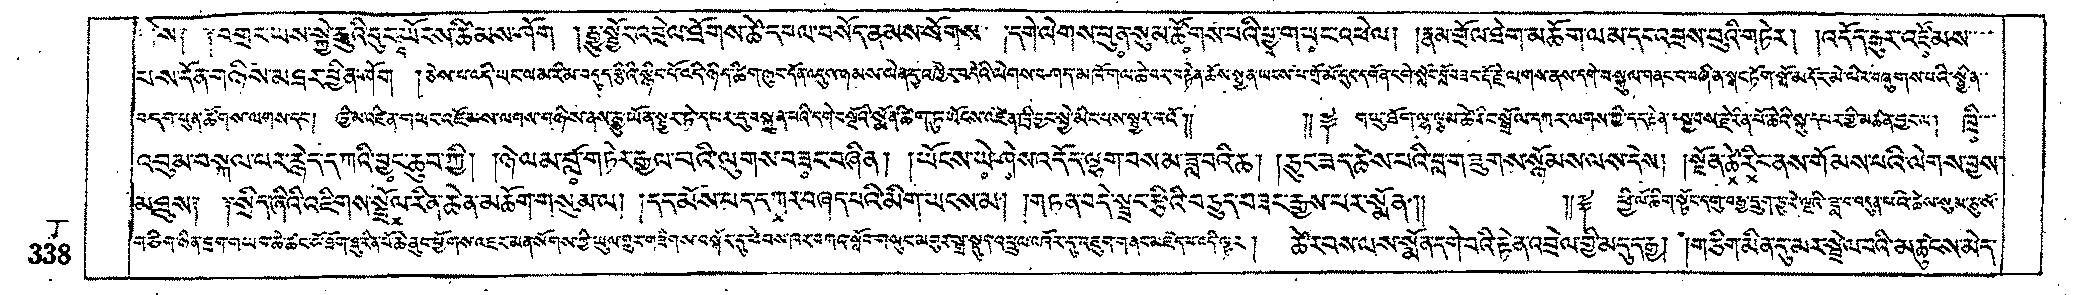ཤེས༑ ༑བགྲང་ཡས་སྐྱེ་རྒུའི་བུང་བ་ཡོངས་ཚིམས་ཤོག །རྒྱུ་སྦྱོར་འབྲེལ་ཐོགས་ཚེ་དཔལ་བསོད་ནམས་སོགས། །དགེ་ལེགས་ཕུན྾་སུམ་ཚོགས྾་པའི་ཕྱྭ་གཡང྾་འཕེལ། །རྣམ་གྲོལ་ཐེག་མཆོག་ལམ་དང་འབྲས་བུའི་གཏེར། །འདོད་རྒུར་འཛོམས྾་་་
པས་དོན་གཉིས་མཐར་ཕྱིན་ཤོག །ཅེས་པ་འདི་ཡང་ལམ་རིམ་བདུད་རྩིའི་སྙིང་པོ་འདི་ཉིད་ཚིག་ཉུང་དོན་འདུས་ཉམས་ལེན་དུ་འཁྱིར་བདེའི་ལེགས་བཤད་མཁོ་གལ་ཆེ་བར་བརྟེན་ཆོས་སྤྱན་ཡངས་པ་གྲོ་མོ་དུང་དགོན་དགེ་སློང་བློ་བཟང་རྡོ་རྗེ་ལགས་ནས་དགེ་བསྐུལ་གནང་བ་བཞིན་སྒང་ཏོག་སྤོ་མདོར་མེ་ལིར་བཞུགས་པའི་སྦྱིན་་་
བདག་ཕུན་ཚོགས་ལགས་དང་། ཁྱིམ་འཛིན་གཡང་འཛོམས་ལགས་གཉིས་ནས་རྒྱུ་ཡོན་སྦྱར་ཏེ་དཔར་དུ་བསྐྲུན་པའི་དགེ་བསྔོའི་སྨོན་ཚིག་ཏུ་ཡོངས་འཛིན་ཁྲི་བྱང་སྐྱེ་མིང་པས་སྦྱར་བའོ།། །། འ་གཡུ་ཐོག་ལྷ་ལྕམ་ཚེ་རིང་སྒྲོལ་དཀར་ལགས་ཀྱི་དད་རྟེན ༧སྐྱབས་རྗེ་རིན་པོ་ཆེའི་སྐུ་དཔར་གྱི་མཚན་བྱང་ལ། ཁི྾་་་
འབུམ་བསྐལ་པར་རྙེད་དཀའི་བྱང྾་ཆུབ་ཀྱི། །ཉེ་ལམ་བློ྾་གཏེར་རྒྱལ་བའི་ལུགས་བཟང྾་བཞིན། །ཡོངས་ཡེ྾་ཤེས྾་འདོད་ལྷག་བསམ་ཟླ་བའི་ཆ། །ཅུང་ཟད་ཚེས་པའི་བླ་གཟུགས་སྙོམས་ལས་དེས། །སྔོན་ཚེ྾་རིང྾་ནས་གོམས་པའི་ལེགས་བྱས་
མཐུས༑ ༑སྲིད་ཞིའི་འཇིགས་སྒྲོལ྾་རིན་ཆེན་མཆོག་གསུམ་ལ། །དད་མོས་པད་དཀར྾་བཞད་པའི་མིག་ཡངས་མ། །གཏན་བདེ་སྦྲང་རྩིའི་བཅུད་བཟང་རྒྱས་པར་སྨོན།། །། འ་ཕྱི་ལོ་ཆིག་སྟོང་དགུ་བརྒྱ་དྲུག་ཅུ་རེ་ལྔའི་ཟླ་བ་བདུན་པའི་ཚེ་སུམ་ཅུ་སོ་
གཅིག་ཉིན་བྲག་གཡབ་ཆེ་ཚང་ཧོ་ཐོག་ཐུ་རིན་པོ་ཆེ་ནུབ་ཕྱོགས་འཇར་མན་སོགས་ཀྱི་ཡུལ་གྲུར་གཟིགས་བསྐོར་དུ་ཕེབས་ཁར་བཀའ་སློབ་གསུང་མགུར་སྒྲ་སྡུད་འཕྲུལ་འཁོར་དུ་འཇུག་གནང་མཛད་པ་འདི་ལྟར། ཚེ་རབས་ལས་སྨོན་དགེ་བའི་རྟེན་འབྲེལ་གྱི་མདུད་རྒྱ། །གཅིག་མིན་དུ་མར་སྦྲེལ་བའི་མཚུངས་མེད་